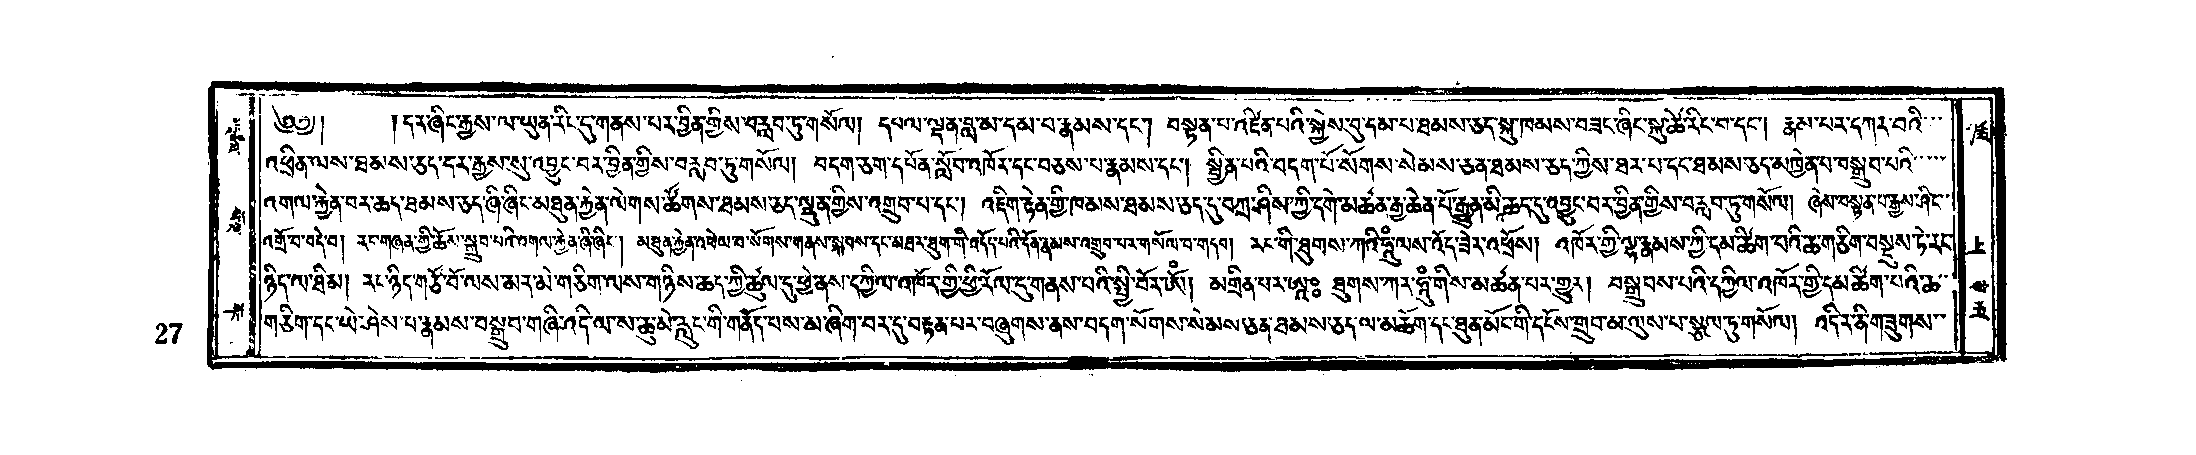༄༅། །དར་ཞིང་རྒྱས་ལ་ཡུན་རིང་དུ་གནས་པར་བྱིན་གྱིས་བརླབ་ཏུ་གསོལ། དཔལ་ལྡན་བླ་མ་དམ་པ་རྣམས་དང་། བསྟན་པ་འཛིན་པའི་སྐྱེས་བུ་དམ་པ་ཐམས་ཅད་སྐུ་ཁམས་བཟང་ཞིང་སྐུ་ཚེ་རིང་བ་དང་། རྣམ་པར་དཀར་བའི་
འཕྲིན་ལས་ཐམས་ཅད་དར་རྒྱས་སུ་འབྱུང་བར་བྱིས་གྱིས་བརླབ་ཏུ་གསོལ། བདག་ཅག་དཔོན་སློབ་འཁོར་དང་བཅས་པ་རྣམས་དང་། སྦྱིན་པའི་བདག་པོ་སོགས་སེམས་ཅན་ཐམས་ཅད་ཀྱིས་ཐར་པ་དང་ཐམས་ཅད་མཁྱེན་པ་བསྒྲུབ་པའི་
འགལ་རྐྱེན་བར་ཆད་ཐམས་ཅད་ཞི་ཞིང་མཐུན་རྐྱེན་ལེགས་ཚོགས་ཐམས་ཅད་ལྷུན་གྱི་འགྲུབ་པ་དང་། འཇིག་རྟེན་གྱི་ཁམས་ཐམས་ཅད་དུ་བཀྲ་ཤིས་ཀྱི་དགེ་མཚན་རྒྱ་ཆེན་པོ་རྒྱུན་མི་ཆད་དུ་འབྱུང་བར་བྱིན་གྱིས་བརླབ་ཏུ་གསོལ། ཞེས་བསྟན་པ་རྒྱས་ཤིང་
འགྲོ་བ་བདེ་བ། རང་གཞན་གྱི་ཆོས་སྒྲུབ་པའི་འགལ་རྐྱེན་ཞི་ཞིང་། མཐུན་རྐྱེན་འཕེལ་བ་སོགས་གནས་སྐབས་དང་མཐར་ཐུག་གི་འདོད་པའི་དོན་རྣམས་འགྲུབ་པར་གསོལ་བ་གདབ། རང་གི་ཐུགས་ཀའི་ཧཱུཾ་ལས་འོད་ཟེར་འཕྲོས། འཁོར་གྱི་ལྷ་རྣམས་ཀྱི་དམ་ཚིག་པའི་ཆ་གཅིག་བསྡུས་ཏེ་རང་
ཉིད་ལ་ཐིམ། རང་ཉིད་གཙོ་བོ་ལས་མར་མེ་གཅིག་ལས་གཉིས་ཆད་ཀྱི་ཚུལ་དུ་ཕྱེ་ནས་དཀྱིལ་འཁོར་གྱི་ཕྱི་རོལ་དུ་གནས་པའི་སྤྱི་བོར་ཨོཾ། མགྲིན་པར་ཨཱཿ ཐུགས་ཀར་ཧཱུཾ་གིས་མཚན་པར་གྱུར། བསྒྲུབས་པའི་དཀྱིལ་འཁོར་གྱི་དམ་ཚིག་པའི་ཆ་
གཅིག་དང་ཡེ་ཤེས་པ་རྣམས་བསྒྲུབ་གཞི་འདི་ལ་ས་ཆུ་མེ་རླུང་གི་གནོད་པས་མ་ཞིག་བར་དུ་བརྟན་པར་བཞུགས་ནས་བདག་སོགས་ཅན་ཐམས་ཅད་ལ་མཆོག་དང་ཐུན་མོང་གི་དངོས་གྲུབ་མ་ལུས་པ་སྩལ་ཏུ་གསོལ། འདིར་ནི་གཟུགས་